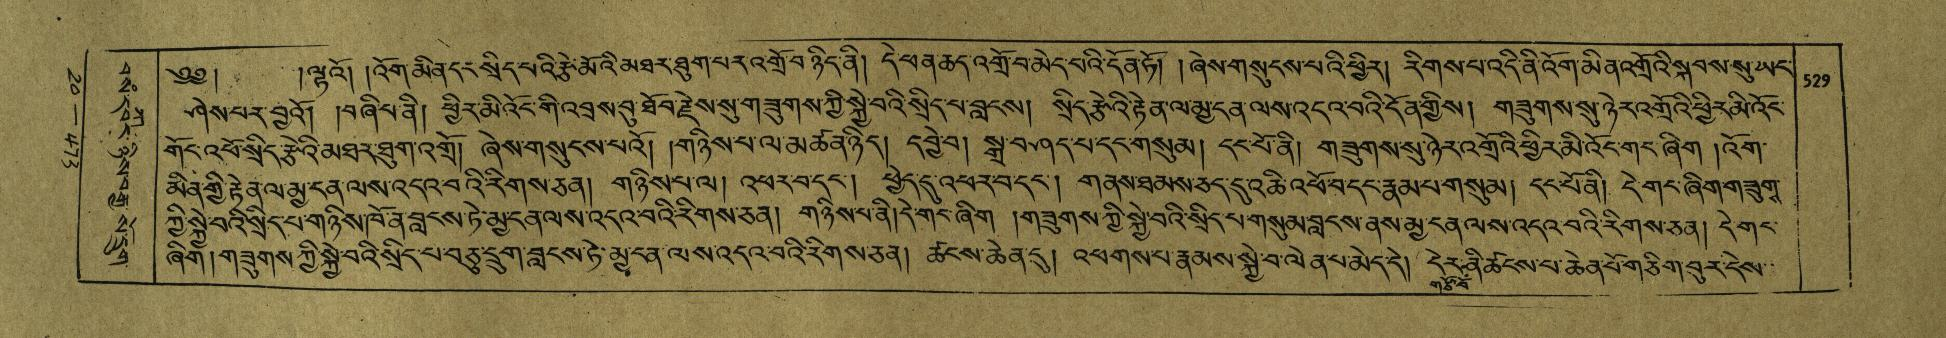༄༅། །ལྟའོ། །འོག་མིན་དང་སྲིད་པའི་རྩེ་མོའི་མཐར་ཐུག་པར་འགྲོ་བ་ཉིད་ནི། དེ་ཕན་ཆད་འགྲོ་བ་མེད་པའི་དོན་ཏོ། །ཞེས་གསུངས་པའི་ཕྱིར། རིགས་པ་འདི་ནི་འོག་མིན་འགྲོའི་སྐབས་སུ་ཡང་
ཤེས་པར་བྱའོ། །བཞི་པ་ནི། ཕྱིར་མི་འོང་གི་འབྲས་བུ་ཐོབ་རྗེས་སུ་གཟུགས་ཀྱི་སྐྱེ་བའི་སྲིད་པ་བླངས། སྲིད་རྩེའི་རྟེན་ལ་མྱ་ངན་ལས་འདའ་བའི་དོན་གྱིས། གཟུགས་སུ་ཉེར་འགྲོའི་ཕྱིར་མི་འོང་
གོང་འཕོ་སྲིད་རྩེའི་མཐར་ཐུག་འགྲོ། ཞེས་གསུངས་པའོ། །གཉིས་པ་ལ་མཚན་ཉིད། དབྱེ་བ། སྒྲ་བཤད་པ་དང་གསུམ། དང་པོ་ནི། གཟུགས་སུ་ཉེར་འགྲོའི་ཕྱིར་མི་འོང་གང་ཞིག །འོག་
མིན་གྱི་རྟེན་ལ་མྱ་ངན་ལས་འདའ་བའི་རིགས་ཅན། གཉིས་པ་ལ། འཕར་བ་དང་། ཕྱེད་དུ་འཕར་བ་དང་། གནས་ཐམས་ཅད་དུ་འཆི་འཕོ་བ་དང་རྣམ་པ་གསུམ། དང་པོ་ནི། དེ་གང་ཞིག་གཟུགས་
ཀྱི་སྐྱེ་བའི་སྲིད་པ་གཉིས་ཁོ་ན་བླངས་ཏེ་མྱ་ངན་ལས་འདའ་བའི་རིགས་ཅན། གཉིས་པ་ནི། དེ་གང་ཞིག །གཟུགས་ཀྱི་སྐྱེ་བའི་སྲིད་པ་གསུམ་བླངས་ནས་མྱ་ངན་ལས་འདའ་བའི་རིགས་ཅན། དེ་གང་
ཞིག། གཟུགས་ཀྱི་སྐྱེ་བའི་སྲིད་པ་བཅུ་དྲུག་བླངས་ཏེ་མྱ་ངན་ལས་འདའ་བའི་རིགས་ཅན། ཚངས་ཆེན་དུ། འཕགས་པ་རྣམས་སྐྱེ་བ་ལེན་པ་མེད་དེ། དེར་གཙོ་བོ་ནི་ཚངས་པ་ཆེན་པོ་གཅིག་བུར་དེས་